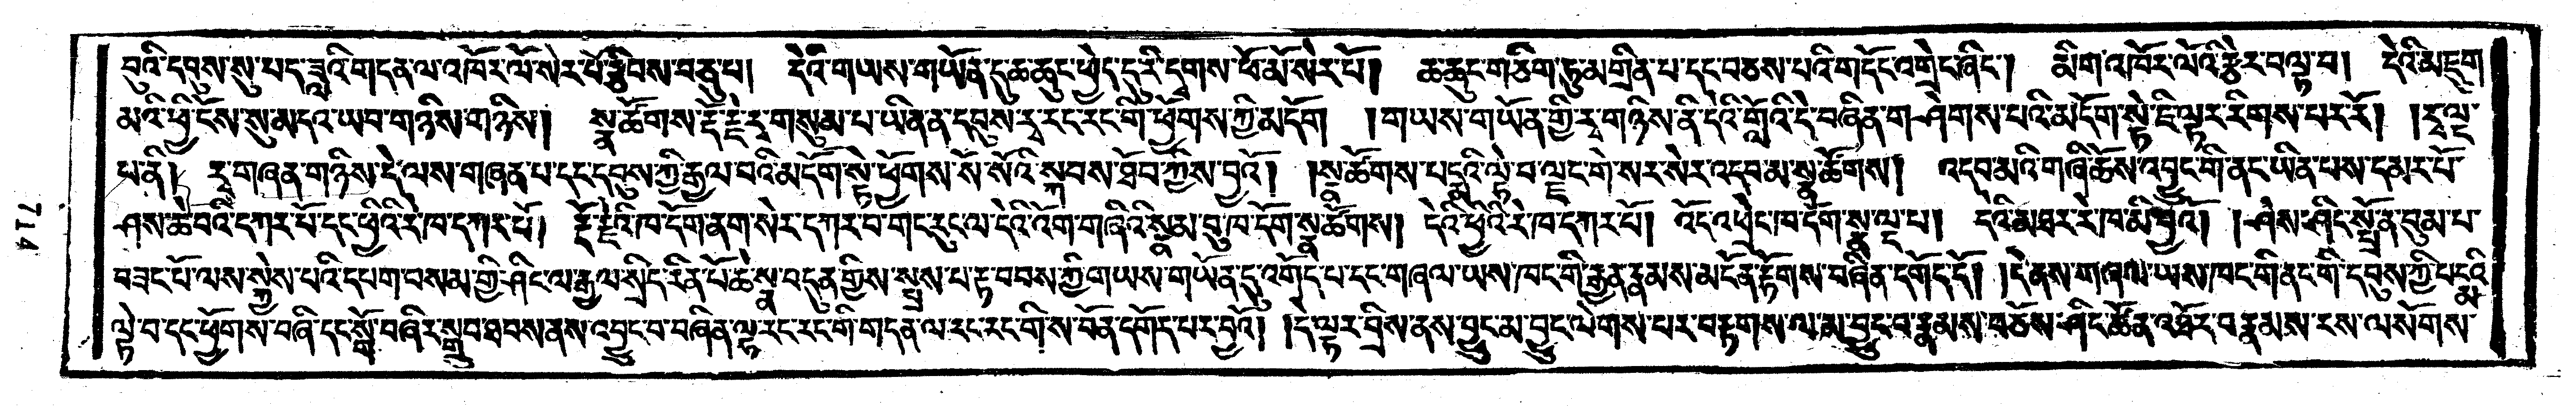བུའི་དབུས་སུ་པད་ཟླའི་གདན་ལ་འཁོར་ལོ་སེར་པོ་རྩིབས་བཅུ་པ། དེའི་གཡས་གཡོན་དུ་ཆ་ཆུང་ཕྱེད་དུ་རི་དྭགས་ཕོ་མོ་སེར་པོ། ཆ་ཆུང་གཅིག་ཏུ་མགྲིན་པ་དང་བཅས་པའི་གདོང་འགྲེང་ཞིང་། མིག་འཁོར་ལོའི་རྩེར་བལྟ་བ། དེའི་མཇུག་
མའི་ཕྱི་ངོས་སུ་མདའ་ཡབ་གཉིས་གཉིས། སྣ་ཚོགས་རྡོ་རྗེ་རྭ་གསུམ་པ་ཡིན་ན་དབུས་རྭ་རང་རང་གི་ཕྱོགས་ཀྱི་མདོག །གཡས་གཡོན་གྱི་རྭ་གཉིས་ནི་དེའི་གློའི་དེ་བཞིན་གཤེགས་པའི་མདོག་སྟེ་ཇི་ལྟར་རིགས་པར་རོ། །རྭ་ལྔ་
པ་ནི། རྭ་གཞན་གཉིས་དེ་ལས་གཞན་པ་དང་དབུས་ཀྱི་རྒྱལ་བའི་མདོག་སྟེ་ཕྱོགས་སོ་སོའི་སྐབས་ཐོབ་ཀྱིས་བྱའོ། །སྣ་ཚོགས་པདམའི་ལྟེ་བ་ལྗང་གེ་སར་སེར་འདབ་མ་སྣ་ཚོགས། འདབ་མའི་གཞི་ཆོས་འབྱུང་གི་ནང་ཡིན་པས་དམར་པོ་
ཤས་ཆེ་བའི་དཀར་པོ་དང་ཕྱིའི་རེ་ཁ་དཀར་པོ། རྡོ་རྗེའི་ཁ་དོག་ནག་སེར་དཀར་བ་གང་རུང་ལ་དེའི་འོག་གཞིའི་སྣམ་བུ་ཁ་དོག་སྣ་ཚོགས། དེའི་ཕྱིའི་རེ་ཁ་དཀར་པོ། འོད་འཕྲེང་ཁ་དོག་སྣ་ལྔ་པ། དེའི་མཐར་རེ་ཁ་མི་བྱའོ། །ཤེས་ཤིང་སྤྲོ་ན་བུམ་པ་
བཟང་པོ་ལས་སྐྱེས་པའི་དཔག་བསམ་གྱི་ཤིང་ལ་རྒྱལ་སྲིད་རིན་པོ་ཆེ་སྣ་ཚོགས་བདུན་གྱིས་སྤྲས་པ་རྟ་བབས་ཀྱི་གཡས་གཡོན་དུ་འགོད་པ་དང་གཞལ་ཡས་ཁང་གི་རྒྱན་རྣམས་མངོན་རྟོགས་བཞིན་དགོད་དོ། །དེ་ནས་གཞལ་ཡས་ཁང་གི་ནང་གི་དབུས་ཀྱི་པདམའི་
ལྟེ་བ་དང་ཕྱོགས་བཞི་དང་སྒོ་བཞིར་སྒྲུབ་ཐབས་ནས་འབྱུང་བ་བཞིན་ལྷ་རང་རང་གི་གདན་ལ་རང་རང་གི་ས་བོན་དགོད་པར་བྱའོ། །དེ་ལྟར་བྲིས་ནས་བྱུང་མ་བྱུང་ལེགས་པར་བརྟགས་ལ་མ་བྱུང་བ་རྣམས་བཅོས་ཤིང་ཚོན་འཐོར་བ་རྣམས་རས་ལ་སོགས་